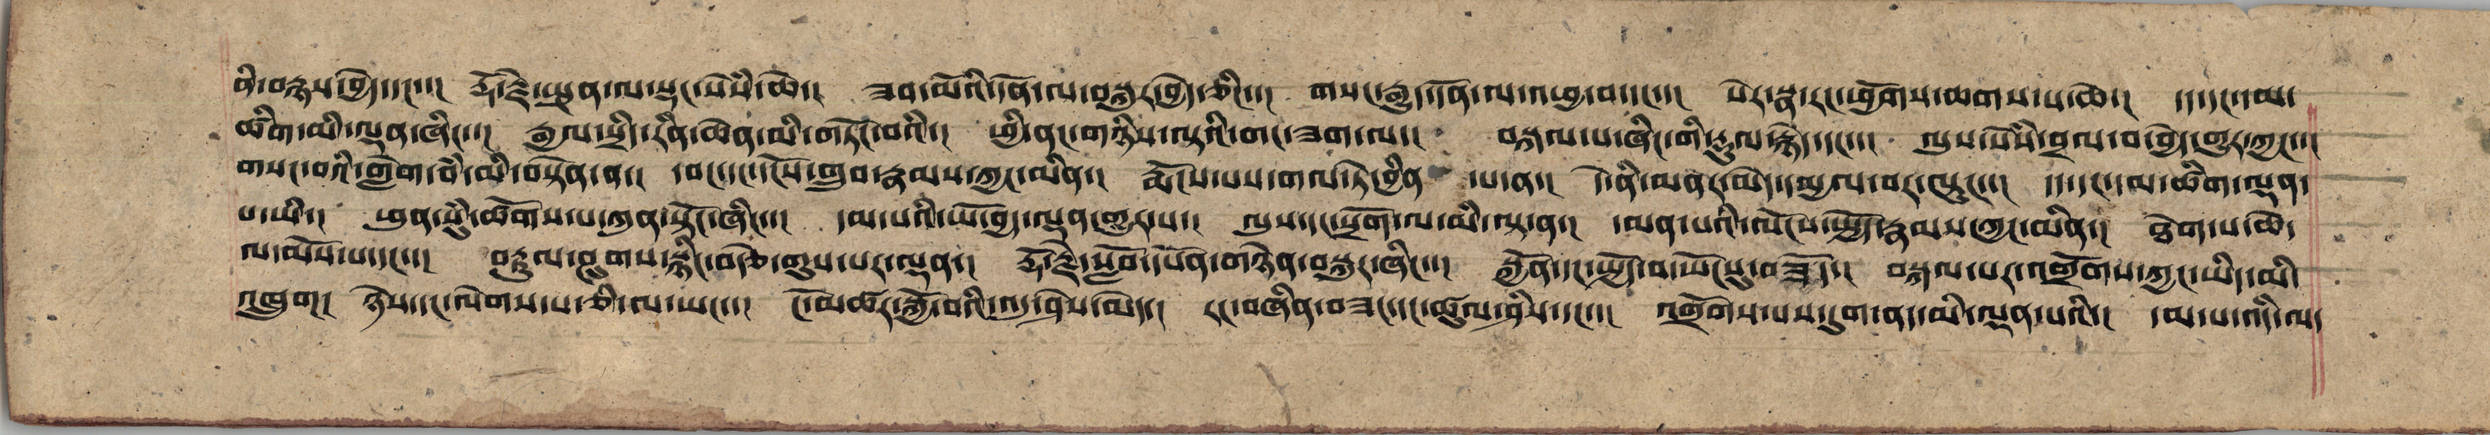ནི་བརྙས་བྱེད་དང་་། རྡོ་རྗེ་སྤུན་ལ་སྡང་སེསཾ་ཆེ་། ཟབ་མོའི་དོན་ལ་བསྐུར་བྱེད་ཅིང་། གསང་རྒྱུད་དོན་ལ་འཕྱ་བ་དང་་། སེར་སྣ་རང་ཕྱོགས་ཆགས་པ་ཆེ་། དད་དང་དམ་
ཚིག་མི་ལྡན་ཞིང་་། རྒྱལ་སྲིད་རིན་ཆེན་མི་གཏོང་བའི་། ཕྱི་ནང་གཉིས་ལྟའི་གང་ཟག་ལ་། བསྐལ་པ་ཞིང་གི་རྡུལ་རྙེད་དང་་། ལུས་སེཾས་བྲལ་བ་བྱེད་གྱུར་ཀྱང་་།
གསང་བའི་གླེག་བཾ་མི་བསྟེན་ན་། དབང་དང་དངོས་གྲུབ་རྣམས་ཀྱང་མིན་། རྨོངས་པས་གལ་ཏེ་བྱིན་ པ་ན་། དེ་ནི་མནར་མེད་དམྱལ་བར་ལྟུང་་། དད་དང་དམ་ཚིག་ལྡན་
པ་ཡི་། ཕུན་སུཾ་ཚོགས་པ་ཀུན་སྟོང་ཞིང་་། དམ་པའི་ཡོ་བྱད་ལྡན་གྱུར་པ་། ལུས་དང་སྲོག་ལ་མི་ལྟ་ན་། དམན་པའི་ལོངས་སྤྱོད་རྣམས་ཀྱང་མིན་། ཐེག་པ་ཆེ་
ལ་མོས་པ་དང་་། བརྟུལ་ཤུགས་སྙིང་བརྩེ་གུས་པར་ལྡན་། རྡོ་རྗེ་སློབ་དཔོན་གཉེན་བསྐུར་ཞིང་་། སྐྱོན་དང་སྤྱོད་བ་ཡོངསུ་བཟོད་། བསྐལ་པར་འགྲོགས་ཀྱང་ཡིད་མི་
འཁྲུག། ཉེས་དང་ལེགས་པ་ཅི་ལ་ཡང་་། ངོ་མཚར་སྐྱོ་བའི་འདུ་ཤེས་མེད་། རང་བཞིན་བཟང་དང་ཚུལ་ཤིས་དང་་། འགྲོགས་པས་དུག་ནད་མི་ལྡན་པའི་། དམ་པ་འདི་ལ་